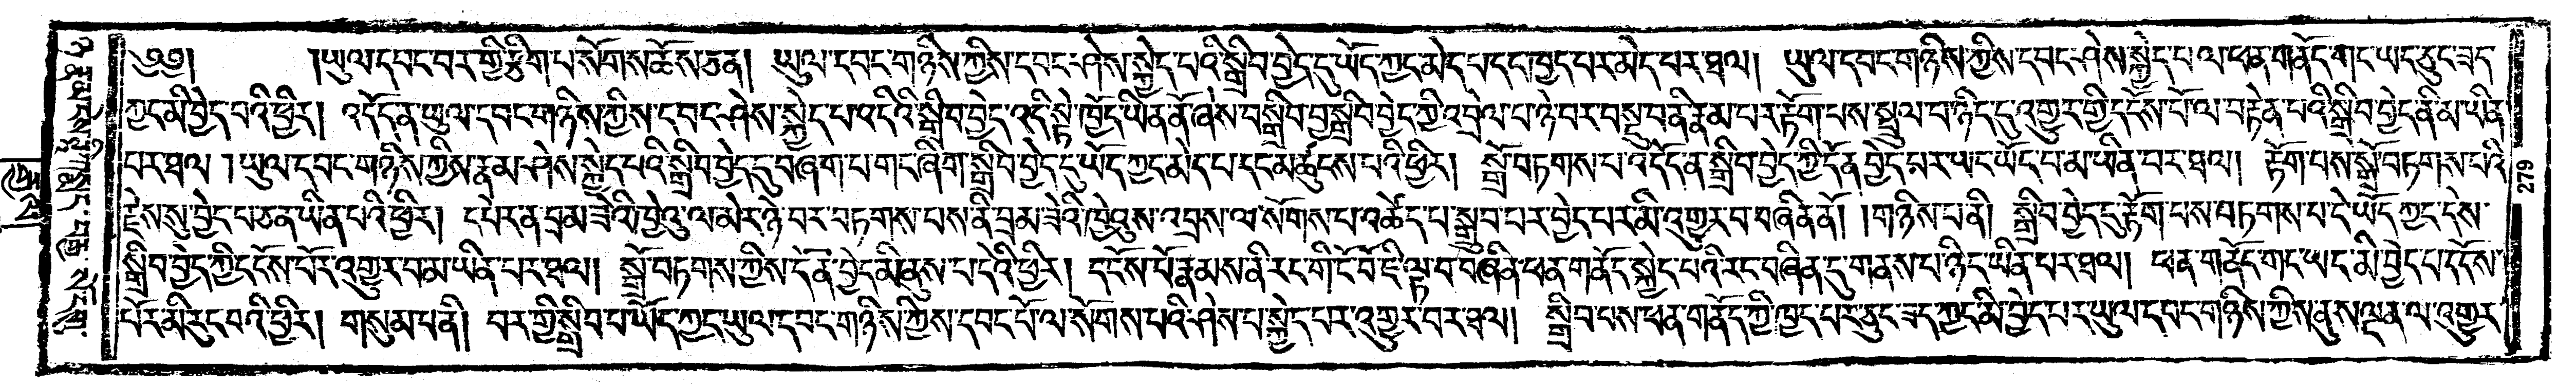༄༅། །ཡུལ་དབང་བར་གྱི་རྩིག་པ་སོགས་ཆོས་ཅན། ཡུལ་དབང་གཉིས་ཀྱིས་དབང་ཤེས་སྐྱེད་པའི་སྒྲིབ་བྱེད་དུ་ཡོད་ཀྱང་མེད་པ་དང་ཁྱད་པར་མེད་པར་ཐལ། ཡུལ་དབང་གཉིས་ཀྱིས་དབང་ཤེས་སྐྱེད་པ་ལ་ཕན་གནོད་གང་ཡང་ཅུང་ཟད་
ཀྱང་མི་བྱེད་པའི་ཕྱིར། འདོད་ན་ཡུལ་དབང་གཉིས་ཀྱིས་དབང་ཤེས་སྐྱེད་པ་འདིའི་སྒྲིབ་བྱེད་འདི་སྟེ་ཁྱོད་ཡིན་ནོ་ཞེས་བསྒྲིབ་བྱ་སྒྲིབ་བྱེད་ཀྱི་འབྲེལ་བ་ཉེ་བར་བསྡུ་བ་ནི་རྣམ་པར་རྟོག་པས་སྦྲུལ་པ་ཉིད་དུ་འགྱུར་གྱི་དངོས་པོ་ལ་བརྟེན་པའི་སྒྲིབ་བྱེད་ནི་མ་ཡིན་
པར་ཐལ། །ཡུལ་དབང་གཉིས་ཀྱིས་རྣམ་ཤེས་སྐྱེད་པའི་སྒྲིབ་བྱེད་དུ་བཞག་པ་གང་ཞིག་སྒྲིབ་བྱེད་དུ་ཡོད་ཀྱང་མེད་པ་དང་མཚུངས་པའི་ཕྱིར། སྒྲོ་བཏགས་པ་འདོད་ན་སྒྲིབ་བྱེད་ཀྱི་དོན་བྱེད་པར་ཡང་ཡོད་པ་མ་ཡིན་པར་ཐལ། རྟོག་པས་སྒྲོ་བཏགས་པའི་
རྗེས་སུ་བྱེད་པ་ཅན་ཡིན་པའི་ཕྱིར། དཔེར་ན་བྲམ་ཟེའི་ཁྱེའུ་ལ་མེད་ཉེ་བར་བཏགས་པས་ནི་བྲམ་ཟེའི་ཁྱེའུས་འབྲས་ལ་སོགས་པ་འཚེད་པ་སྒྲུབ་པར་བྱེད་པར་མི་འགྱུར་བ་བཞིན་ནོ། །གཉིས་པ་ནི། སྒྲིབ་བྱེད་དུ་རྟོག་པས་བཏགས་པ་དེ་ཡོད་ཀྱང་དེས་
སྒྲིབ་བྱེད་ཀྱི་དངོས་པོར་འགྱུར་བ་མ་ཡིན་པར་ཐལ། སྒྲོ་བཏགས་ཀྱིས་དོན་བྱེད་མི་ནུས་པ་དེའི་ཕྱིར། དངོས་པོ་རྣམས་ནི་རང་གི་ངོ་བོ་ཇི་ལྟ་བ་བཞིན་ཕན་གནོད་སྐྱེད་པའི་རང་བཞིན་དུ་གནས་པ་ཉིད་ཡིན་པར་ཐལ། ཕན་གནོད་གང་ཡང་མི་བྱེད་པ་དངོས་
པོར་མི་རུང་བའི་ཕྱིར། གསུམ་པ་ནི། བར་གྱི་སྒྲིབ་པ་ཡོད་ཀྱང་ཡུལ་དབང་གཉིས་ཀྱིས་དབང་པོ་ལ་སོགས་པའི་ཤེས་པ་སྐྱེད་པར་འགྱུར་བར་ཐལ། སྒྲིབ་པས་ཕན་གནོད་ཀྱི་ཁྱད་པར་ཅུང་ཟད་ཀྱང་མི་བྱེད་པར་ཡུལ་དབང་གཉིས་ཀྱིས་ནུས་ལྡན་ལ་འགྱུར་